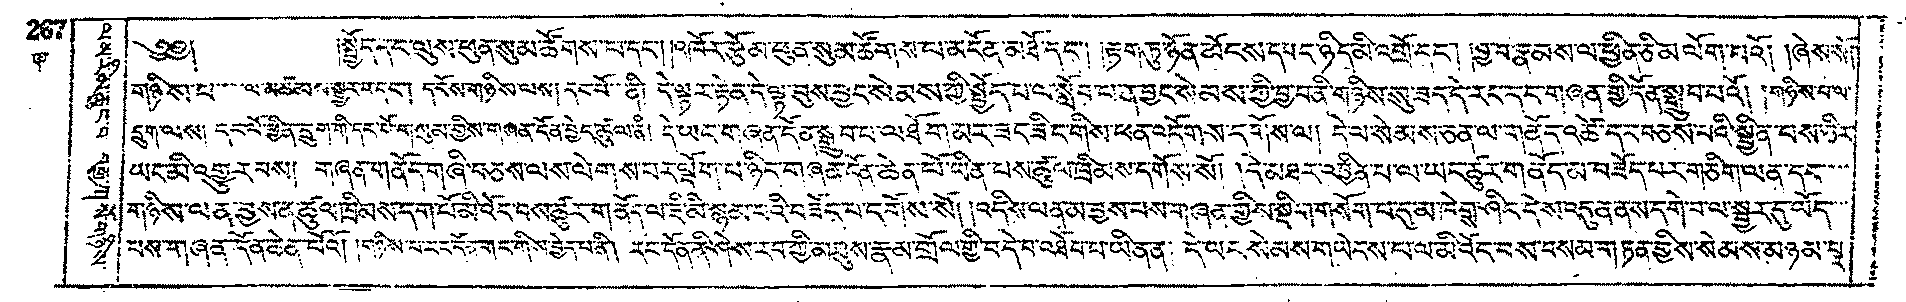༄༅། །སྤྱོད་དང་ལུས་ཕུན་སུམ་ཚོགས་པ་དང་། །འཁོར་རྩོམ་ཕུན་སུམ་ཚོགས་པ་མངོན་མཐོ་དང་། །རྟག་ཏུ་ཉོན་མོངས་དཔང་ཉིད་མི་འགྲོ་དང་། །བྱ་བ་རྣམས་ལ་ཕྱིན་ཅི་མ་ལོག་པའོ། །ཞེས་སོ།
གཉིས་པལ་མཚམས་སྦྱར་བ་དང་། དངོས་གཉིས་ལས། དང་པོནི། དེ་ལྟར་རྟེན་དེ་ལྟ་བུས་བྱང་སེམས་ཀྱི་སྤྱོད་པ་ལ་སློབ་པ་ན་བྱང་སེམས་ཀྱི་བྱ་བ་ནི་གཉིས་སུ་ཟད་དེ་རང་དང་གཞན་གྱི་དོན་སྒྲུབ་པའོ། །གཉིས་པ་ལ་
དྲུག་ལས། དང་པོ་ཕྱིན་དྲུག་གི་དང་པོ་གསུམ་གྱིས་གཞན་དོན་བྱེད་ཚུལ་ནི།  དེ་ཡང་གཞན་དོན་སྒྲུབ་པ་ལ་ཐོག་མར་ཟང་ཟིང་གིས་ཕན་འདོགས་དགོས་ལ། དེ་ལ་སེམས་ཅན་ལ་གནོད་འཚེ་དང་བཅས་པའི་སྦྱིན་པས་ཅིར་
ཡང་མི་འགྱུར་བས། གཞན་གནོད་གཞི་བཅས་ལས་ལེགས་པར་ལྡོག་པ་ཉིད་གཞན་དོན་ཆེན་པོ་ཡིན་པས་ཚུལ་ཁྲིམས་དགོས་སོ། །དེ་མཐར་འབྱིན་པ་ལ་ཡང་ཚུར་གནོད་མ་བཟོད་པར་གཅིག་ལན་དང་
གཉིས་ལན་བྱས་ན་ཚུལ་ཁྲིམས་དག་པོ་མི་འོང་བས་ཚུར་གནོད་ལ་ཇི་མི་སྙམ་པའི་བཟོད་པ་དགོས་སོ། །འདིས་ལན་མ་བྱས་པས་གཞན་གྱིས་སྡིག་གསོག་པ་དུ་མ་ཁེགས་ཤིང་དེས་འདུན་ནས་དགེ་བ་ལ་སྦྱར་དུ་ཡོད་
པས་གཞན་དོན་ཆེན་པོའོ། །གཉིས་པ་རང་དོན་གང་གིས་བྱེད་པ་ནི།  རང་དོན་ནི་ཤེས་རབ་ཀྱི་མཐུས་རྣམ་གྲོལ་གྱི་བདེ་བ་འཐོབ་པ་ཡིན་ན། དེ་ཡང་སེམས་གཡེངས་པ་ལ་མི་འོང་བས་བསམ་གཏན་གྱིས་སེམས་མཉན་པར་